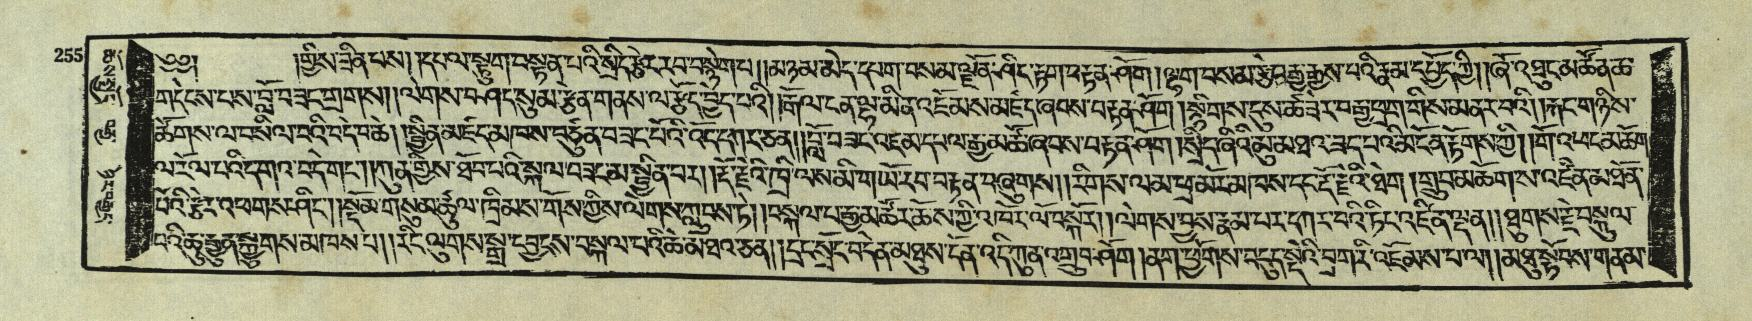༄༅། །གྱིས་ཟིན་པས། །དཔལ་སྟུག་བསྟན་པའི་སྲིད་རྩེར་རབ་བསྙེག་པ། །མཉམ་མེད་དཔག་བསམ་ལྗོན་ཤིང་རྟག་བརྟན་ཤོག །ལྷག་བསམ་རྩེ་བརྒྱ་རྒྱས་པའི་རྣམ་དཔྱོད་ཀྱི། །ཞོ་འཐུང་མཚོན་ཆ་
གདེངས་པས་བློ་བཟང་གྲགས། །ལེགས་བཤད་སུམ་རྩེན་གནས་ལ་རྩོད་བྱེད་པའི། །རྒོལ་ངན་ལྷ་མིན་འཇོམས་མཛད་ཞབས་བརྟན་ཤོག །སྙིགས་དུས་ཚ་ཟེར་བརྒྱ་ཕྲག་གིས་མནར་བའི། །རྐང་གཉིས་
ཚོགས་ལ་བསིལ་བའི་བདེ་བ་ཆེ། །སྦྱིན་མཛད་མཁས་བཙུན་བཟང་པོའི་འོད་དཀར་ཅན། །བློ་བཟང་འཇམ་དཔལ་རྒྱ་མཚོ་ཞབས་བརྟན་ཤོག །སྲིད་ཞིའི་མུ་མཐའ་ཟད་པའི་མངོན་རྟོགས་ཀྱི། །གོ་འཕང་མཆོག་
ལ་རོལ་པའི་དགའ་བདེ་གང་། །ཀུན་གྱིས་ཐོབ་པའི་སྐལ་བཟང་མ་སྦྱིན་པར། །རྡོ་རྗེའི་ཁྲི་ལས་མི་གཡོ་རབ་བརྟན་བཞུགས། །རིགས་ལམ་ཕྲ་མོར་མཁས་དང་རྡོ་རྗེའི་ཐེག །གྲུབ་མཆོག་ས་འཛིན་མཐོན་
པོའི་རྩེར་འཕགས་ཤིང་། །སྡོམ་གསུམ་ཚུལ་ཁྲིམས་གོས་ཀྱིས་ལེགས་ཀླུབས་ཏེ། །བསྐལ་པ་རྒྱ་མཚོར་ཆོས་ཀྱི་འཁོར་ལོ་བསྐོར། །ལེགས་བྱས་རྣམ་པར་དཀར་བའི་ཏིང་འཛིན་ལྡན། །ཐུགས་རྗེ་བསྐུལ་
བའི་ཆུ་རྒྱུན་སྐྱུགས་མཁས་པ། །རིང་ལུགས་སྒྲ་དབྱངས་བསྐལ་པའི་ཆེ་མཐའ་ཅན། །དྲང་སྲོང་བདེན་མཐུས་དོན་འདི་ཀུན་འགྲུབ་ཤོག །ནག་ཕྱོགས་བདུད་སྡེའི་བྲག་རི་འཇོམས་པ་ལ། །མཐུ་སྟོབས་གནམ་